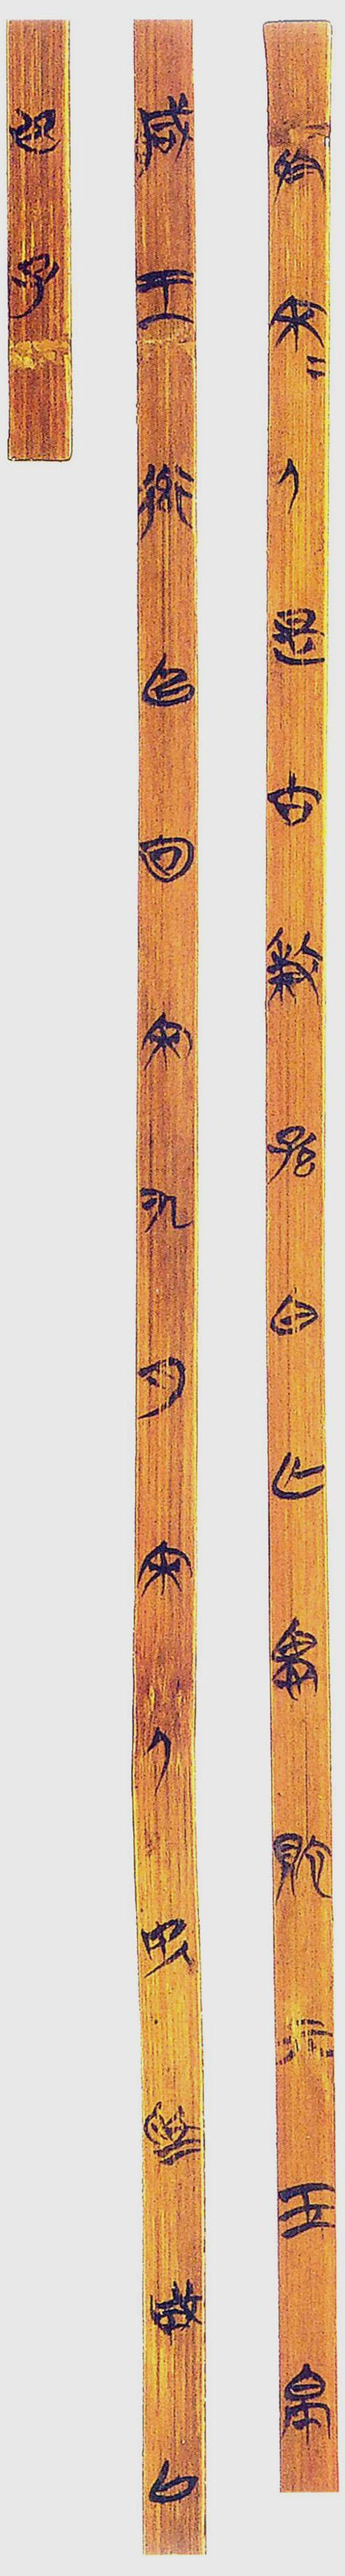於宋=人是古殺孫白亡愄{貝它}亓玉帛戕王率𠂤回宋九月宋人𡚦爲成㠯（以）女子
